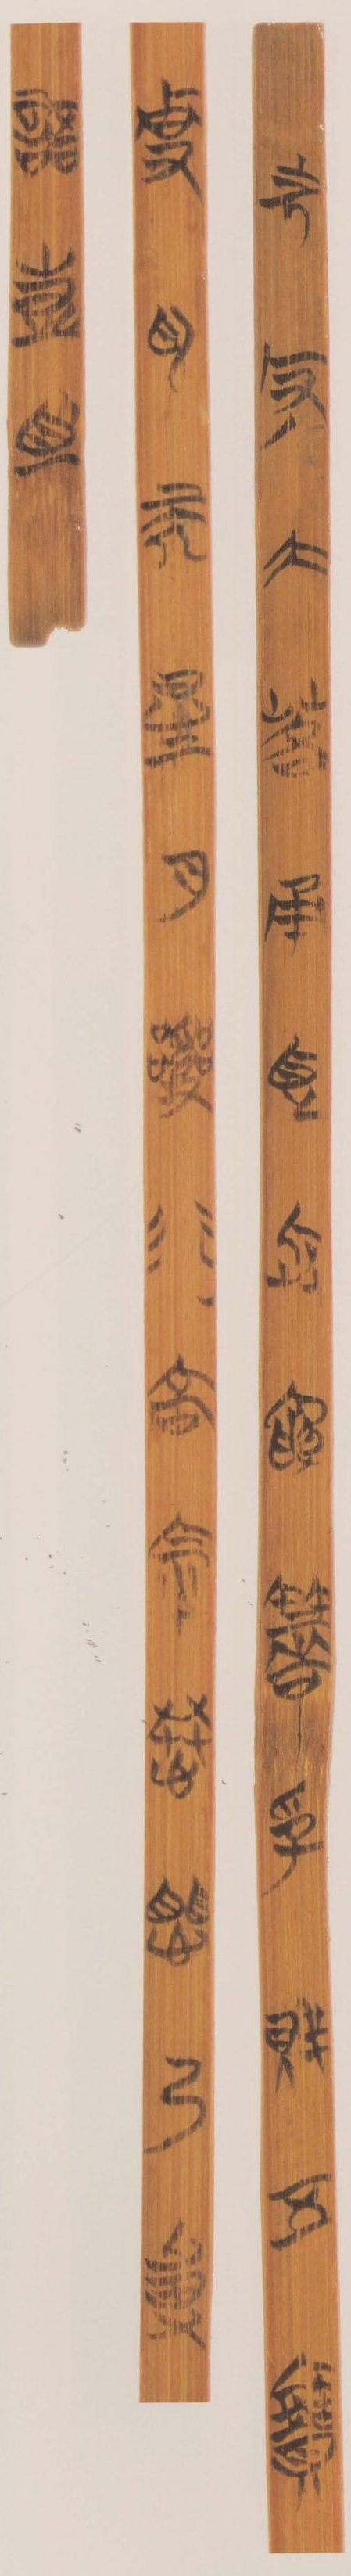先反大茖甬見兵龜{竹巫口}孚貣五寶覍色而星月{𤔔㗊}行高宗恭愳乃尃語彭且
